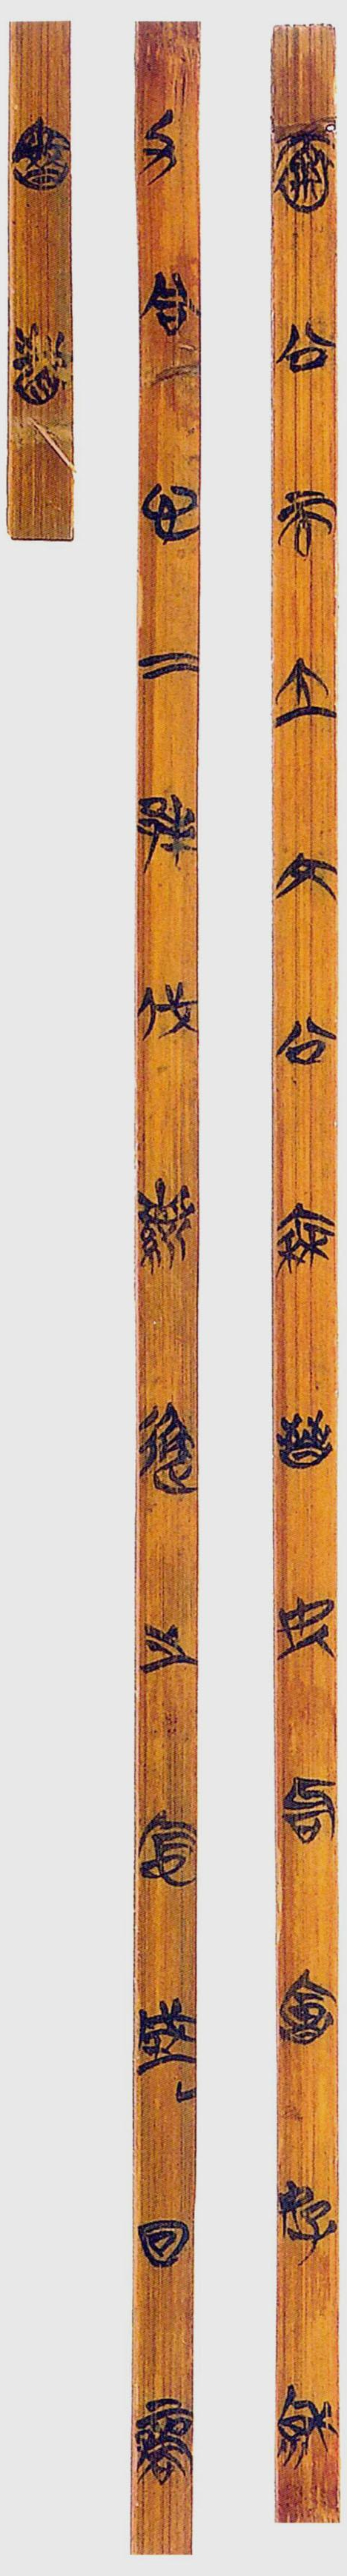褱公而立文公秦晉𡚦{㠯ㅋ}會好穆力同心二邦伐{糸若}{辶𡱵}之{宀𠁩}城回商{宀必必日}{止頁戈}
